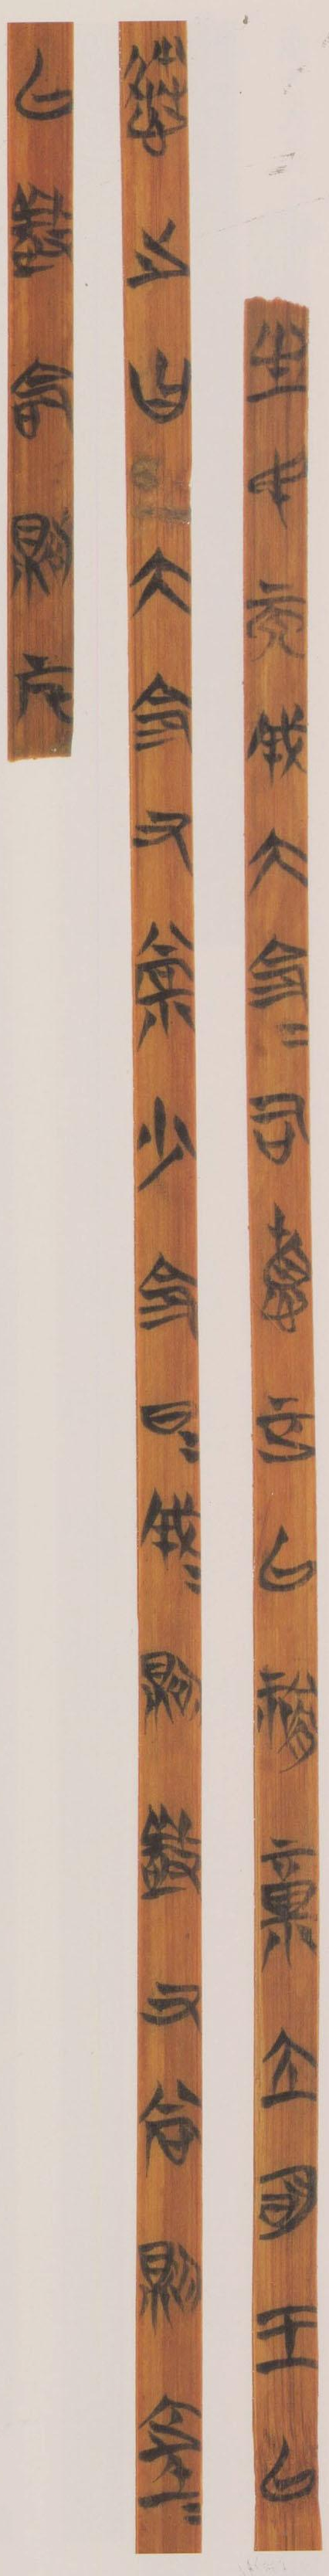□生民而成大命=司惪正㠯（以）禍福立明王㠯（以）{人𠔉心}之曰大命又常少命日=成=則敬又尚則{宀㞷}=㠯（以）敬命則厇
